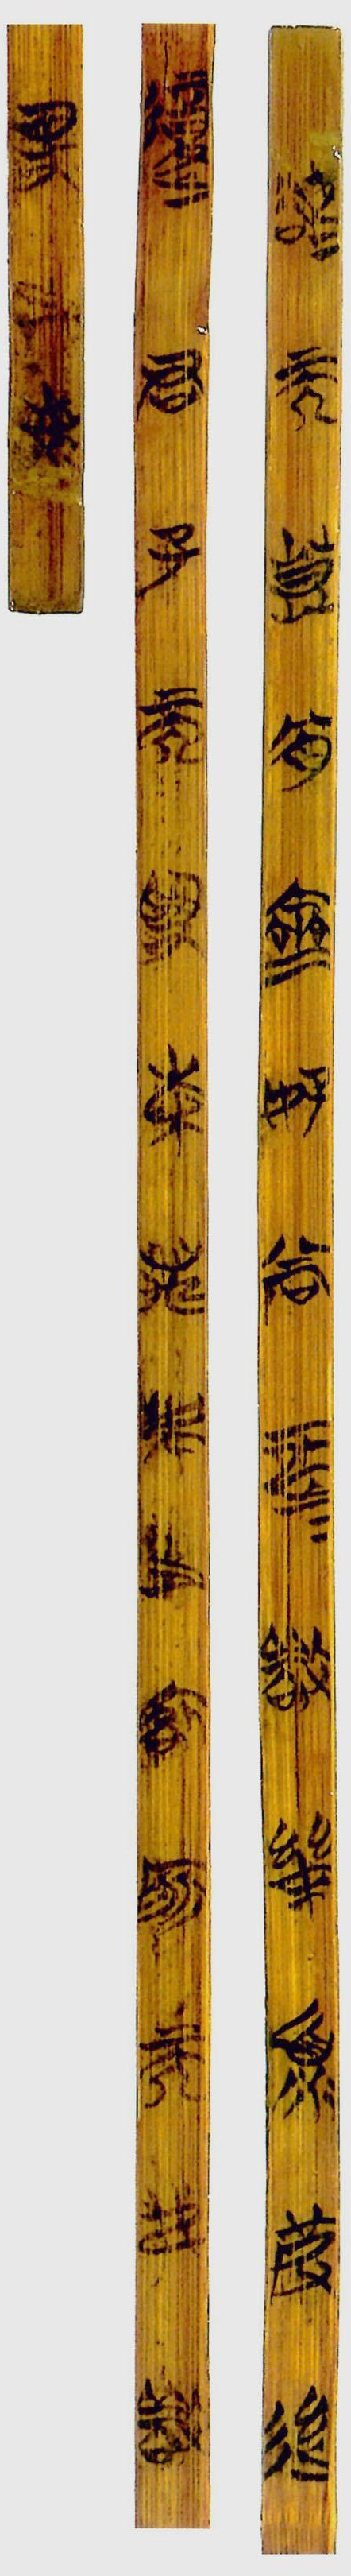欲而莫{冖肉}齊好尚亙止=敬𪪋（哉）寡皮○（後）復君子而受柬萬民之{宀咎}所而弗敬卑之若
